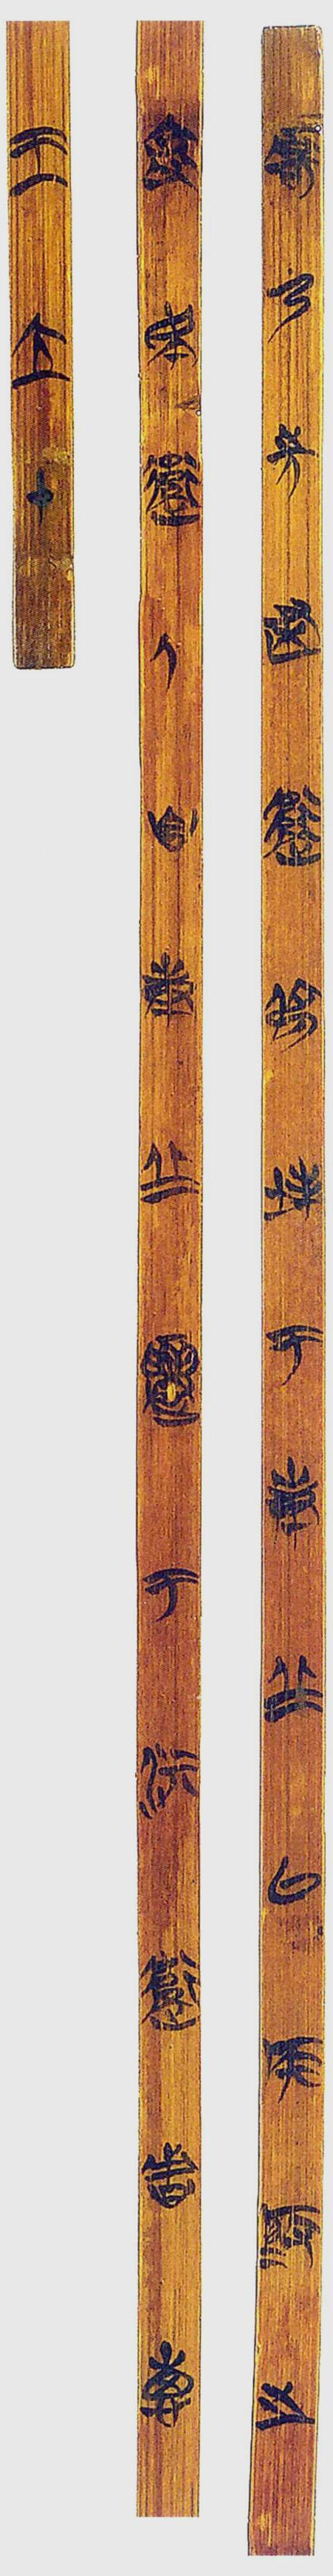{口甹}乃先建{衛止}弔{土丰}于庚丘㠯（以）侯殷之{余又}民{衛止}人自庚丘{䙴止}于{水亓}{衛止}周惠王立十
